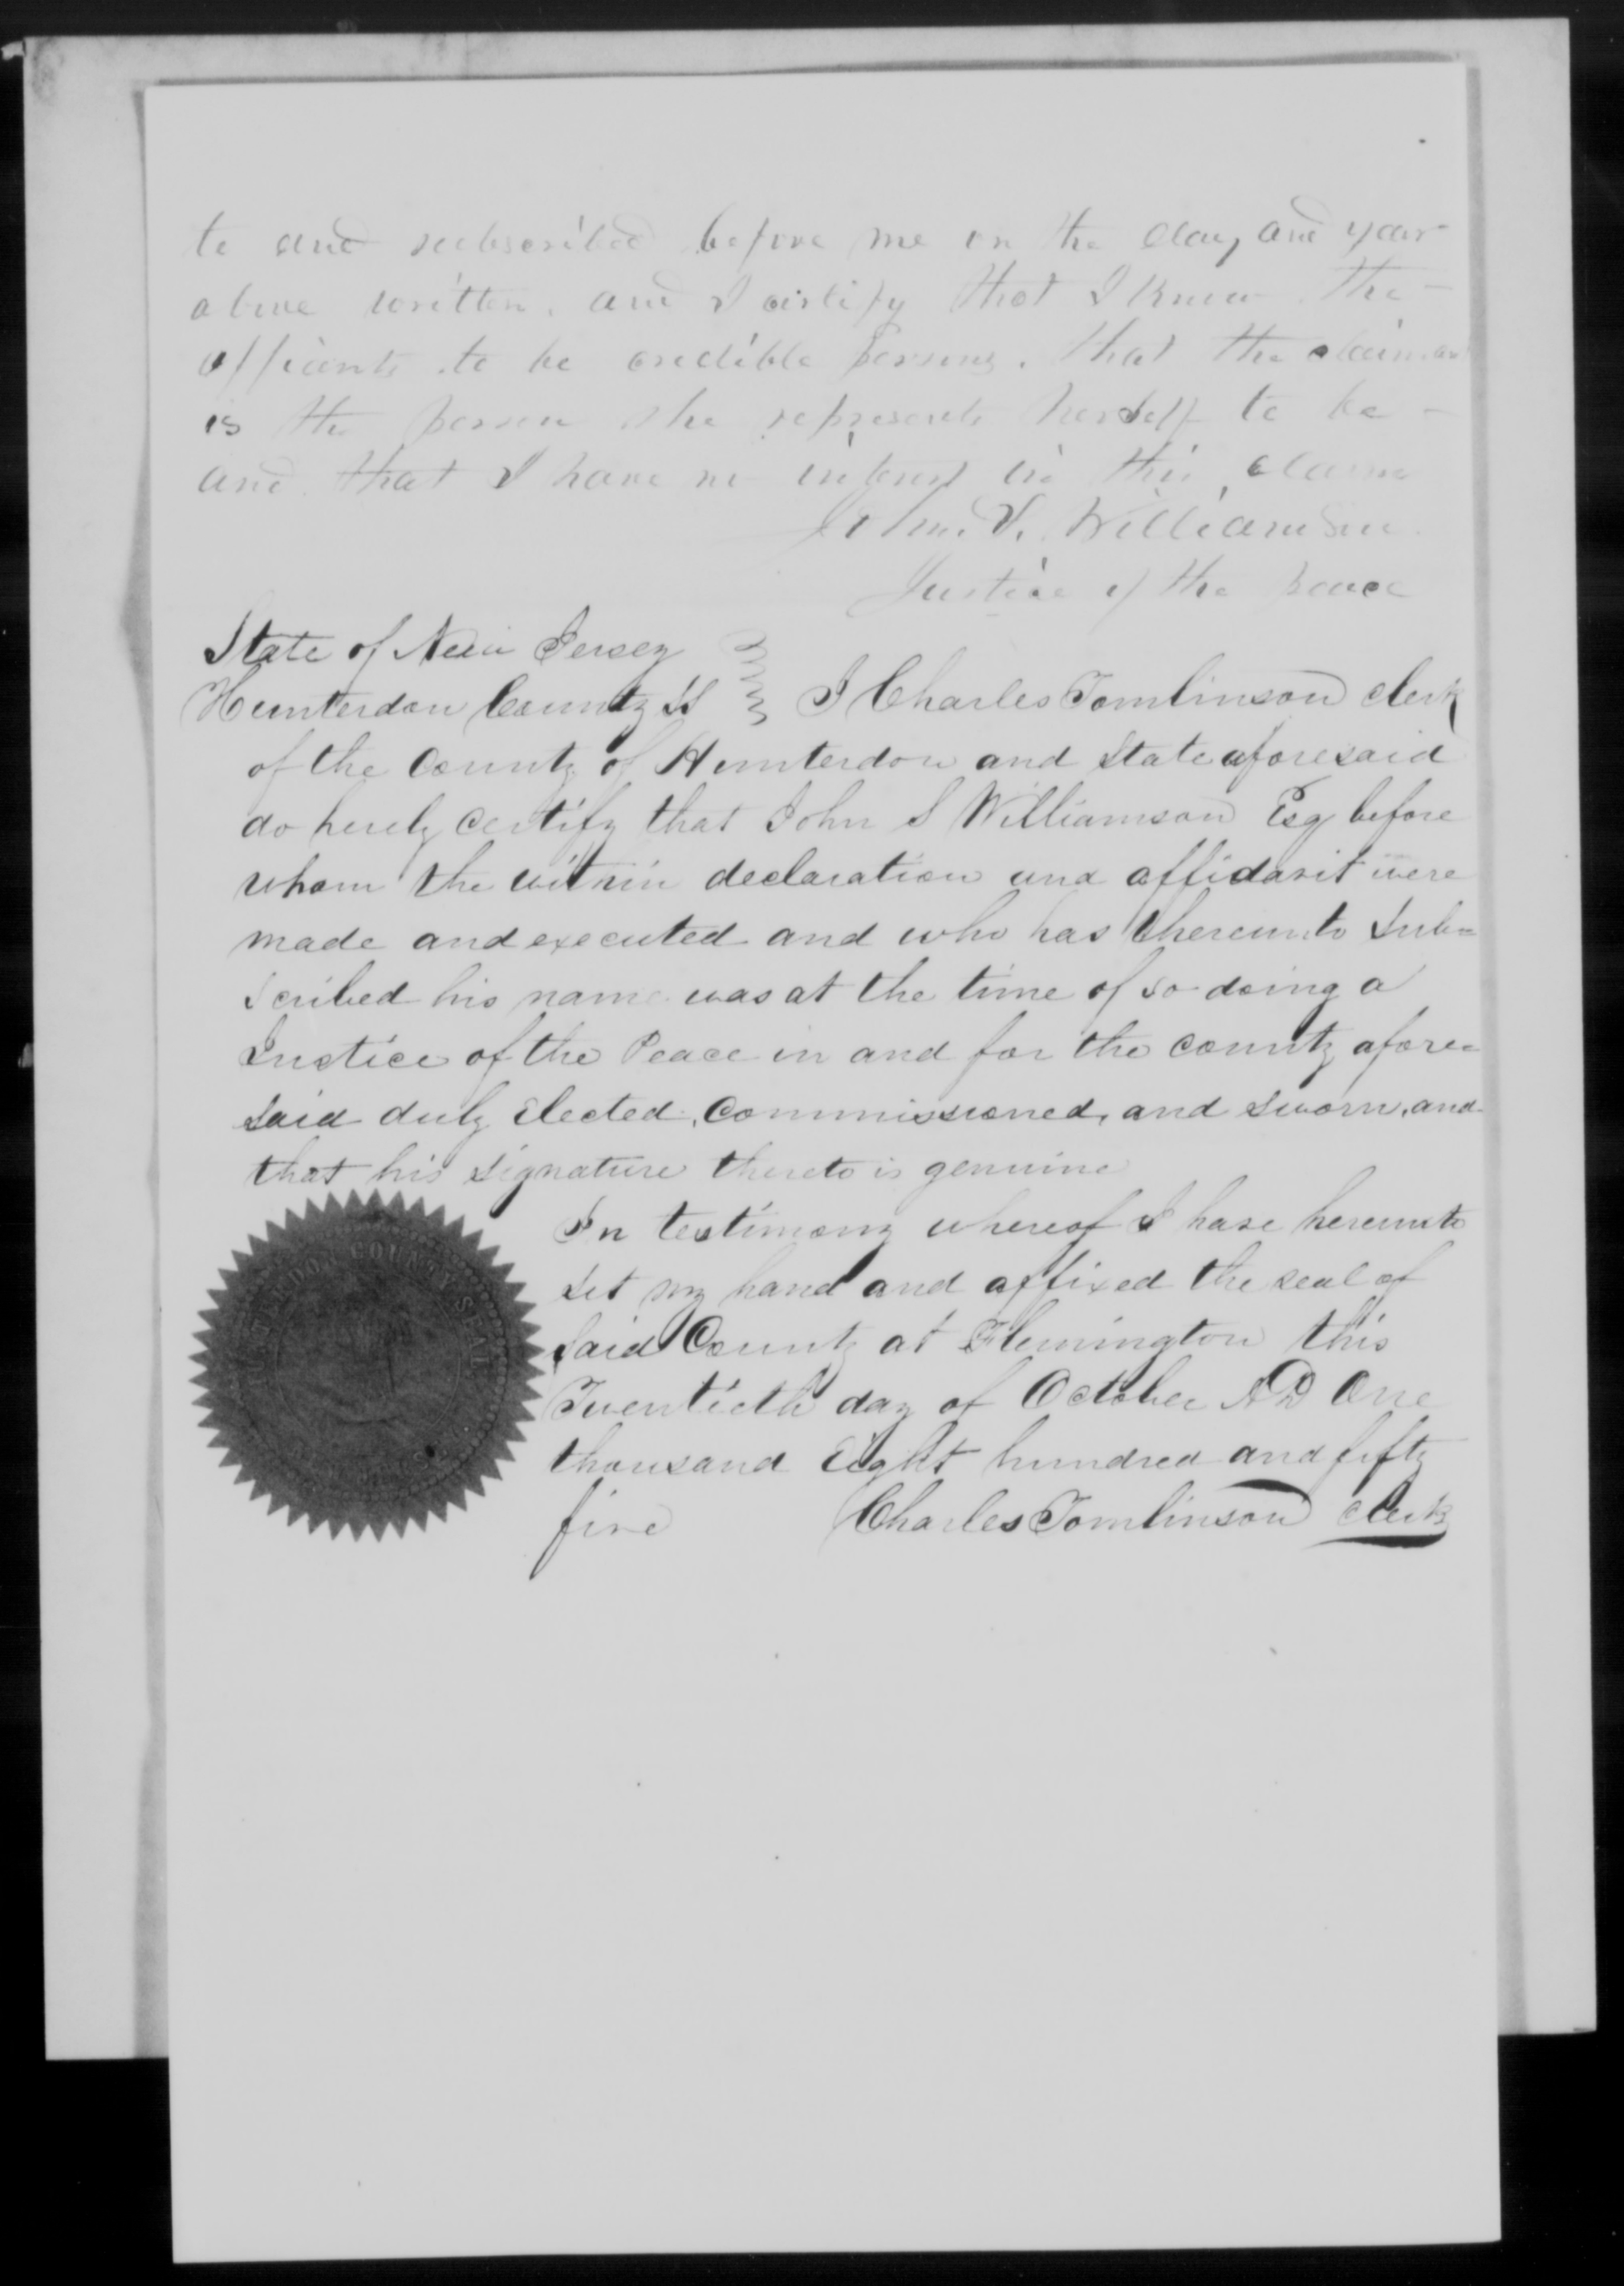...to and subscribed before me on the day and year above written and I certify that I know the affiants to be credible persons. That the claimant is the person she represents herself to be and that I have no interest in this claim.
s/ John. V. Williamson, Justice of the Peace

State of New Jersey
Hunterdon County//

I, Charles Tomlinson, Clerk of the County of Hunterdon and State aforesaid, do hereby certify that John S. Williamson, Esq., before whom the within declaration and affidavit were made and executed and who has thereunto subscribed his name, was at the time of so doing a Justice of the Peace in and for the County aforesaid duly elected, commissioned and sworn and that his signature thereto is genuine.

In testimony whereof I have hereunto set my Hand and affixed the Seal of said County at Flemington this Twentieth day of October A.D. One Thousand Eight Hundred and Fifty.
s/ Charles Tomlinson, Clerk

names: John S Williamson, Charles Tomlinson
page: 21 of 67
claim: widow's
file: W. 2393, Jacob Williamson, New Jersey